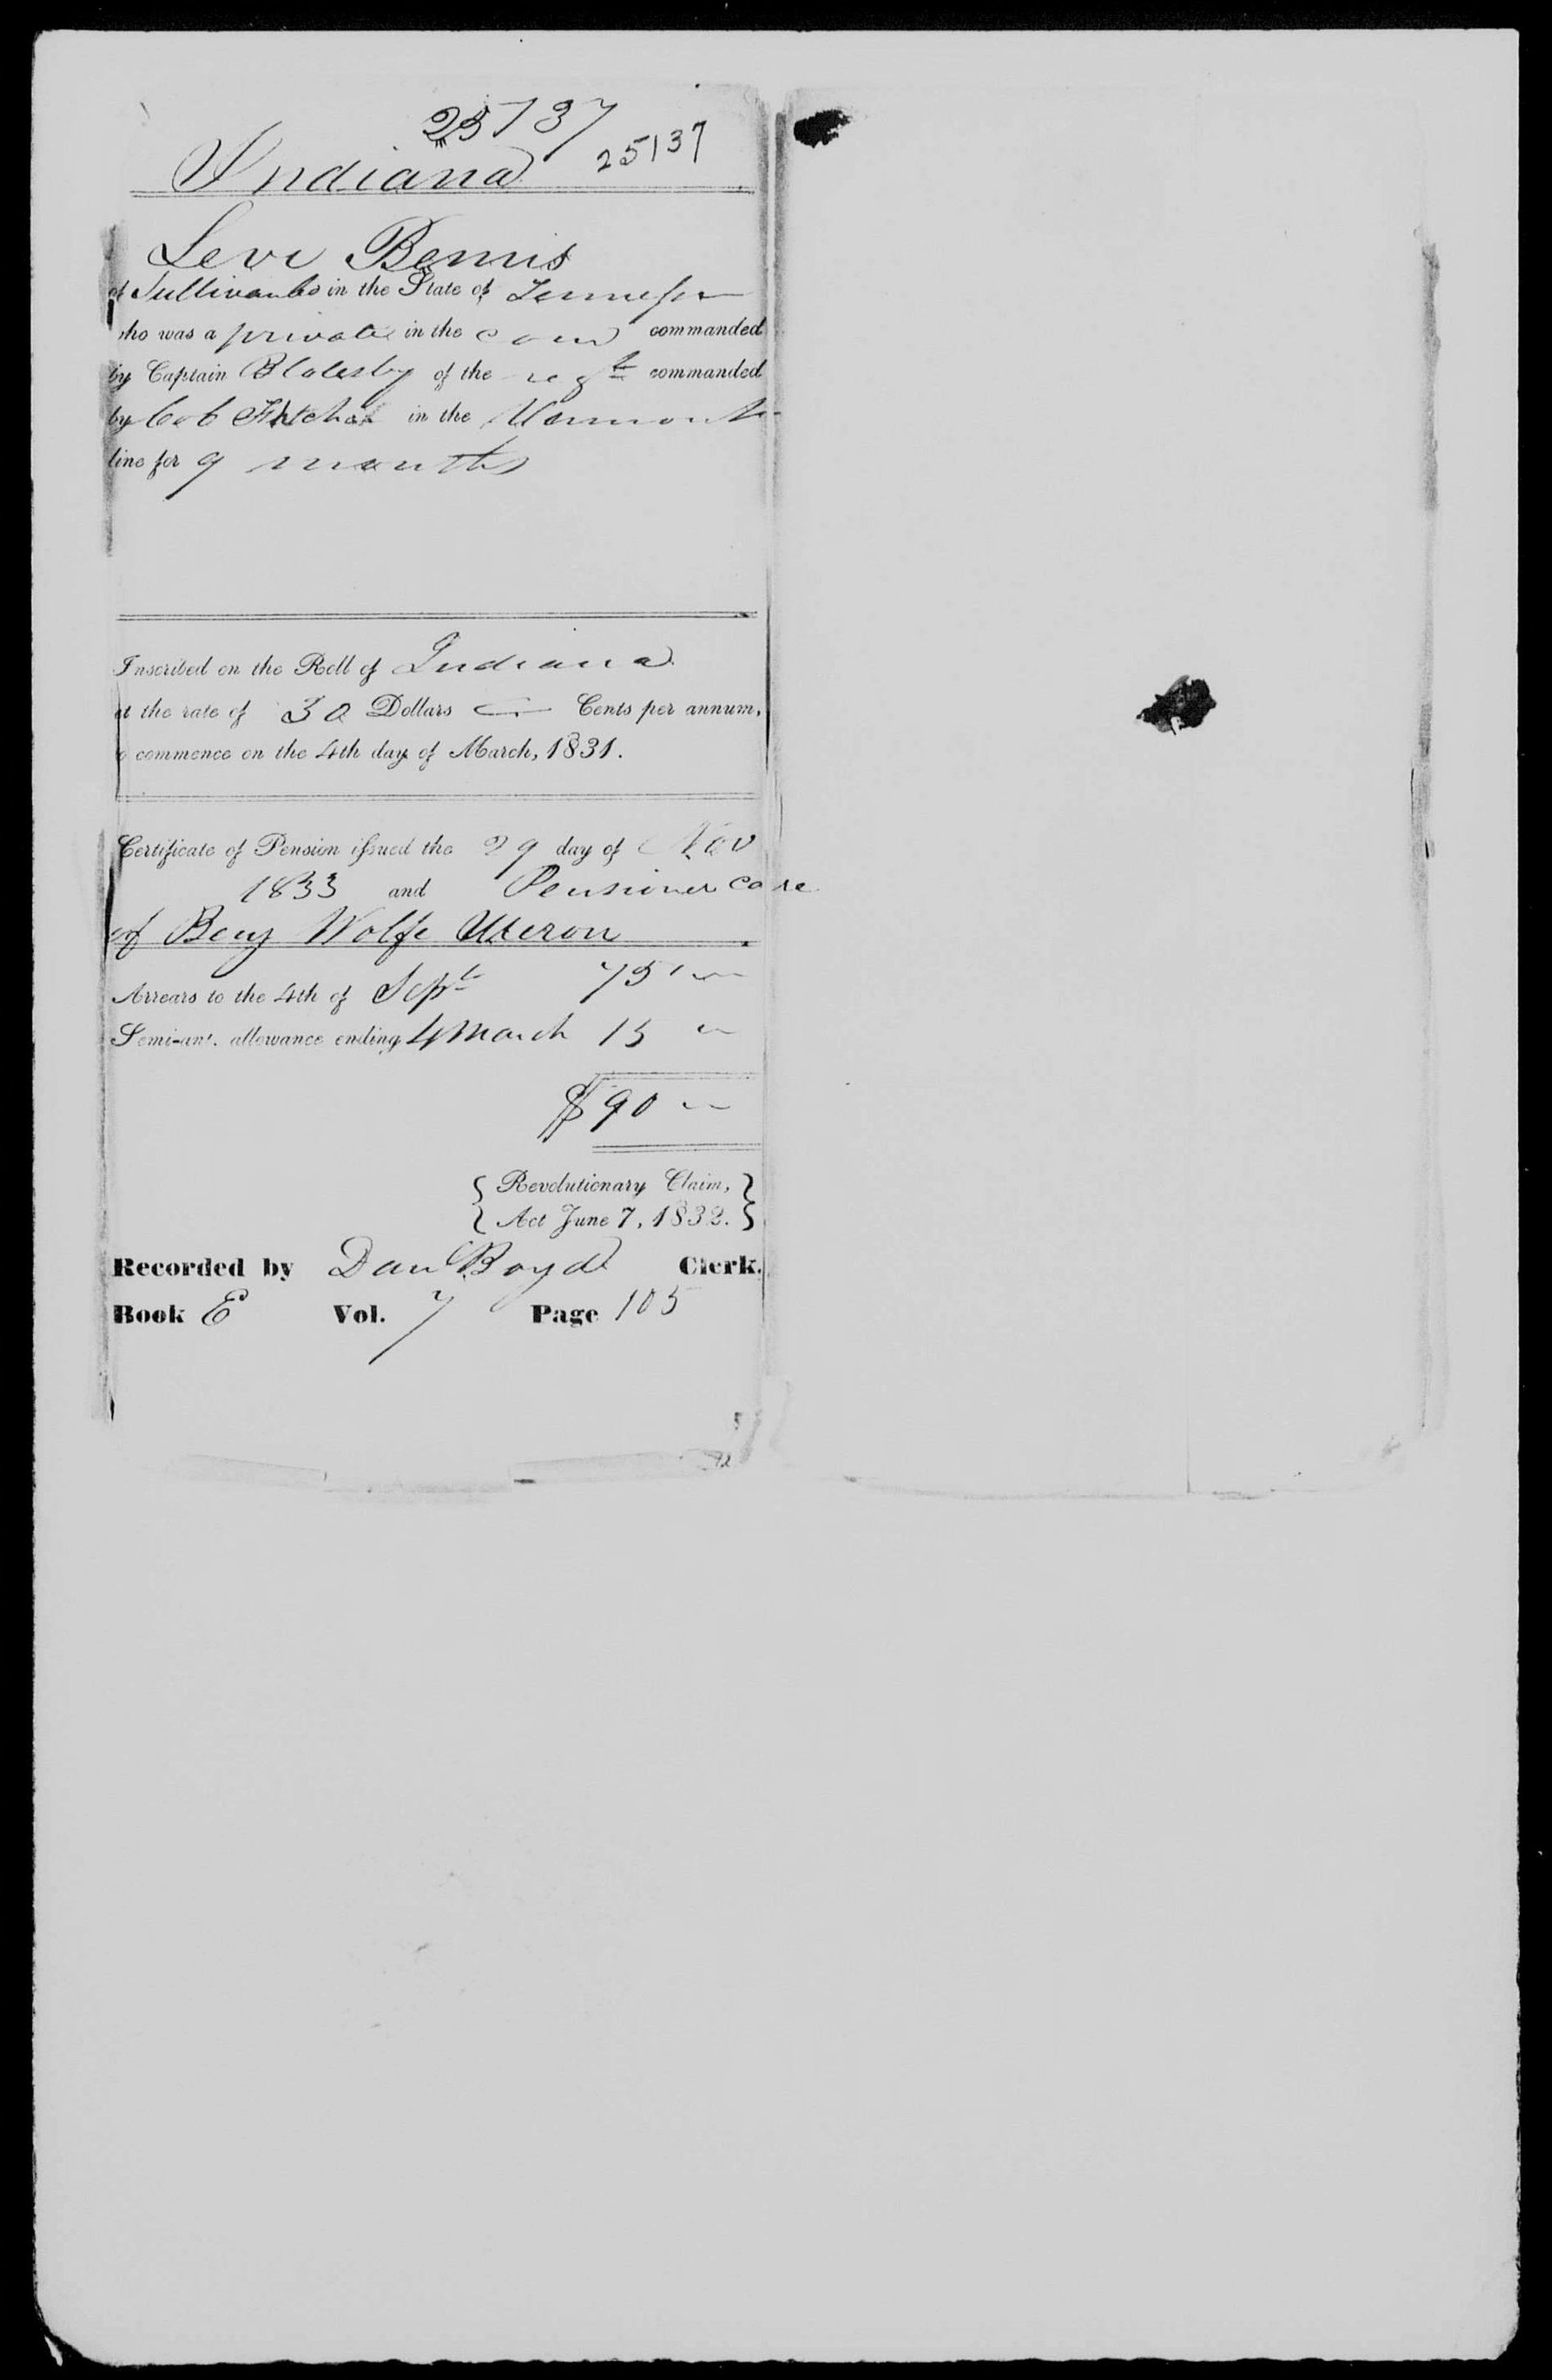Indiana  B737(cursive)  25137(in upper margin)
Levi Bemmis
Sullivan Co in the state of Tennessee who was a private in the (not legible) commanded by Captain Blalesby of the regiment commanded by Cpt Flechter in the Massachusetts line for 9 months.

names: Danl Boyd, Benj Wolfe Meron, Fletcher, Levi Bemis, Blolesby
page: 2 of 14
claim: survivor's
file: S. 32116, Levi Bemis, Vt.